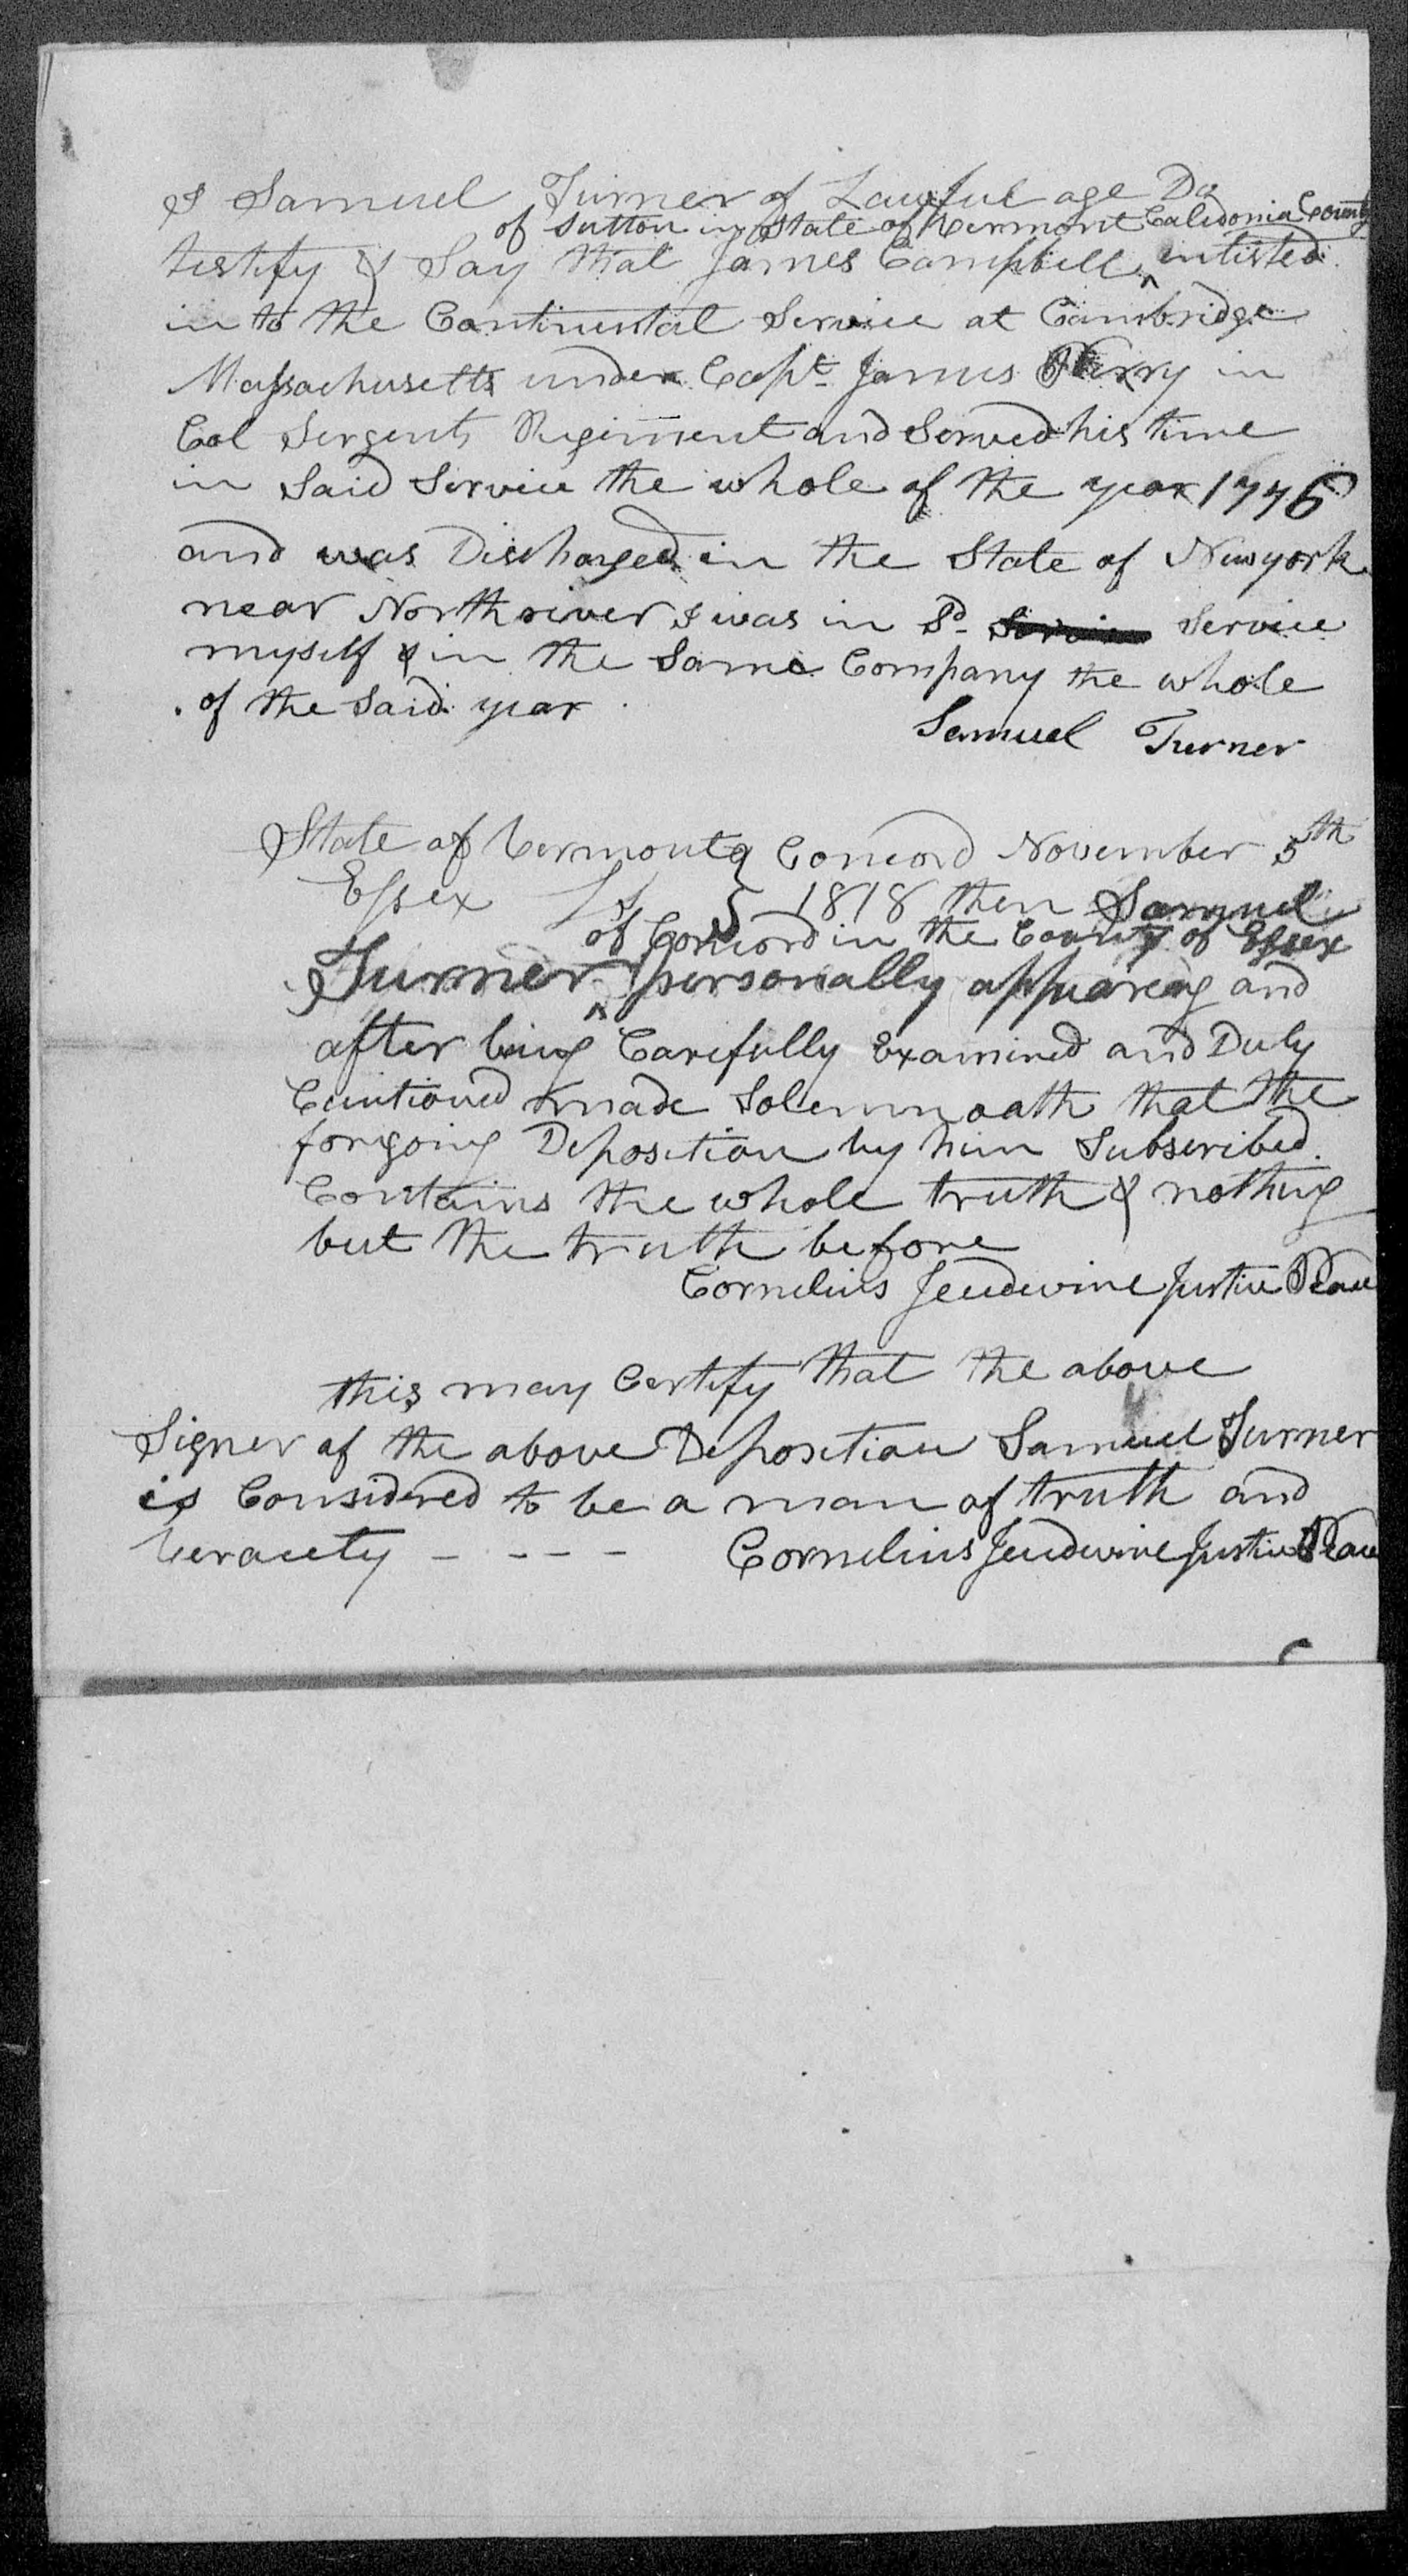I Samuel Turner of Lawful age Do testify & Say that James Campbell of Sutton in State of Vermont Caledonia County enlisted in to the Continental Service at Cambridge Massachusetts under Capt. James Perry in
Col Sargents Regiment and served his time
in Said Service the whole of the year 1776
and was Discharged in the State of New York
near North river I was in sd Service myself & in the Same Company the whole of the Said year
Samuel Turner


State of Vermont}
Essex ss} Concord November 5th 1818 then Samuel Turner of Concord in the County of Essex personally appearing and after being Carefully Examined and Duly Cauntioned made Solemn oath that the foregoing Deposition by him Subscribed Contains the whole truth & nothing but the truth before
Cornelius Jeudevine Justice Peace

this may certify that the above Signer of the above Deposition Samuel Turner is considered to be a man of truth and veracity - - - -
Cornelius Jeudevine Justice Peace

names: Samuel Turner, Cornelius Jeudevine, Samuel Turner, Samuel Turner, Cornelius Jeudevine, James Campbell, James Perry, Samuel Turner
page: 60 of 67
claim: widow's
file: W. 23772, James Campbell, Continental Mass.